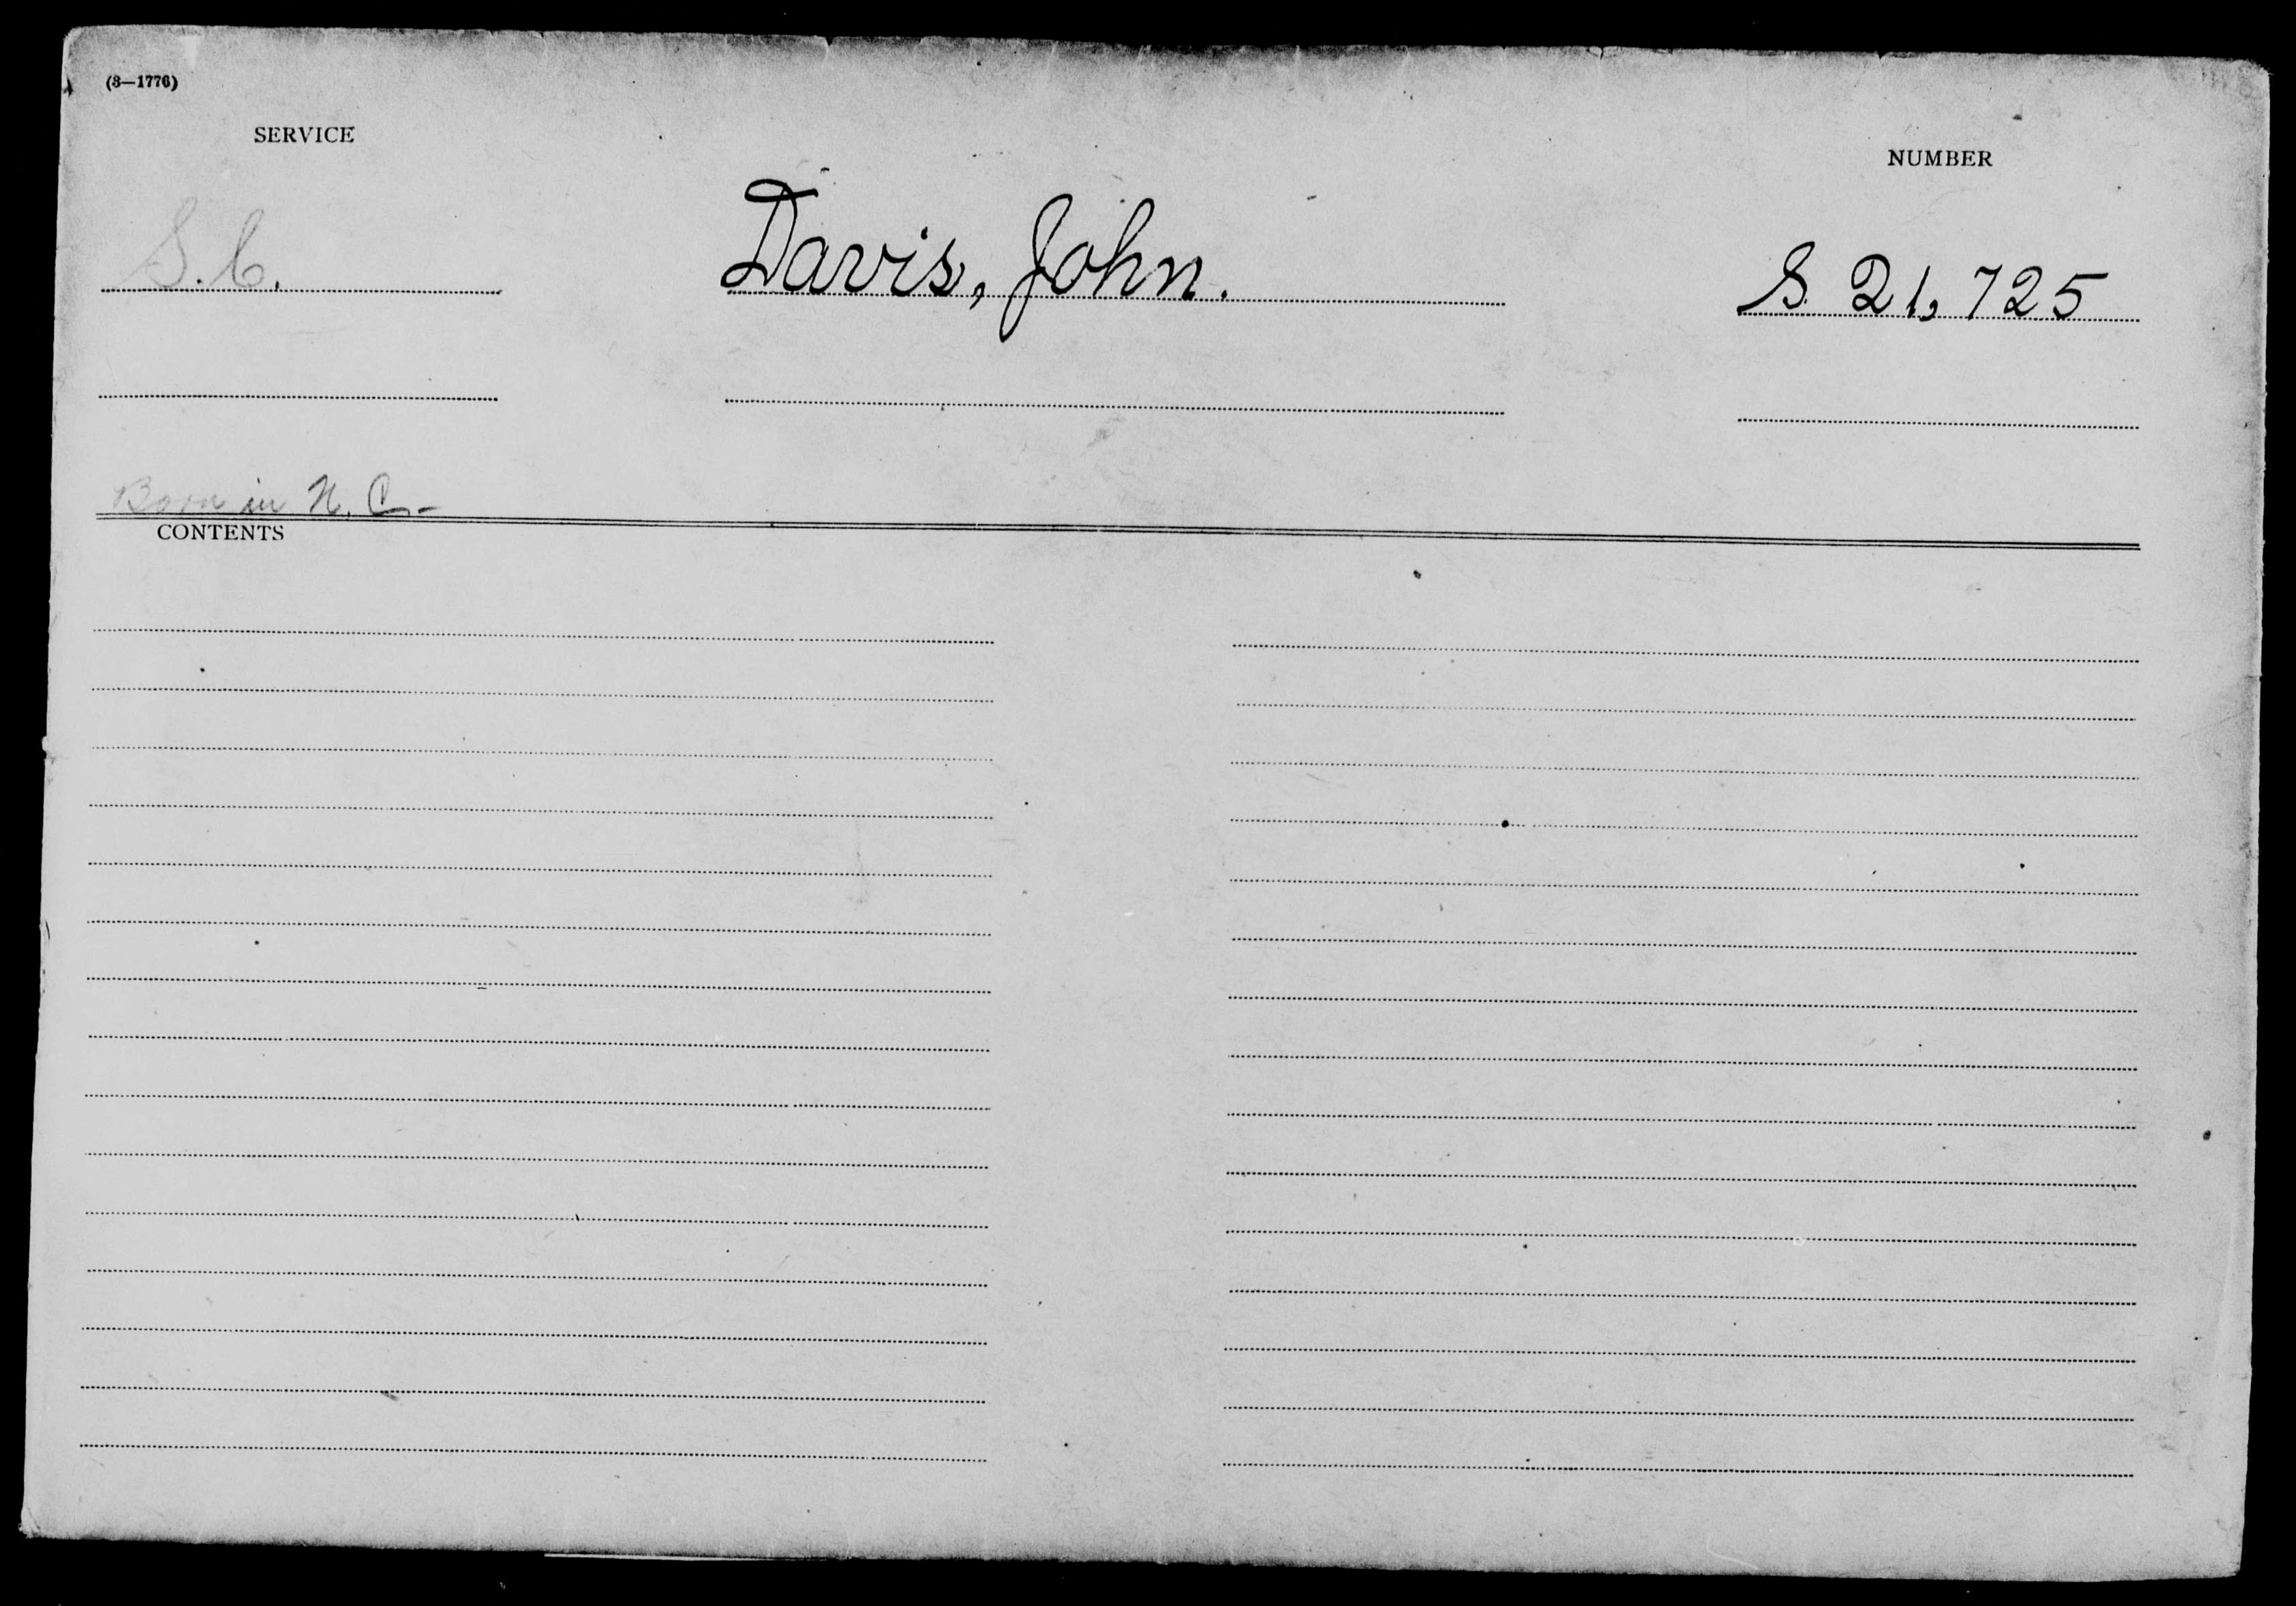3-1776
SERVICE                                       Number
S.G. Davis, John                            S. 21,725

Born in North Carolina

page: 1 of 13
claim: survivor's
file: S. 21,725, John Davis, S.C.